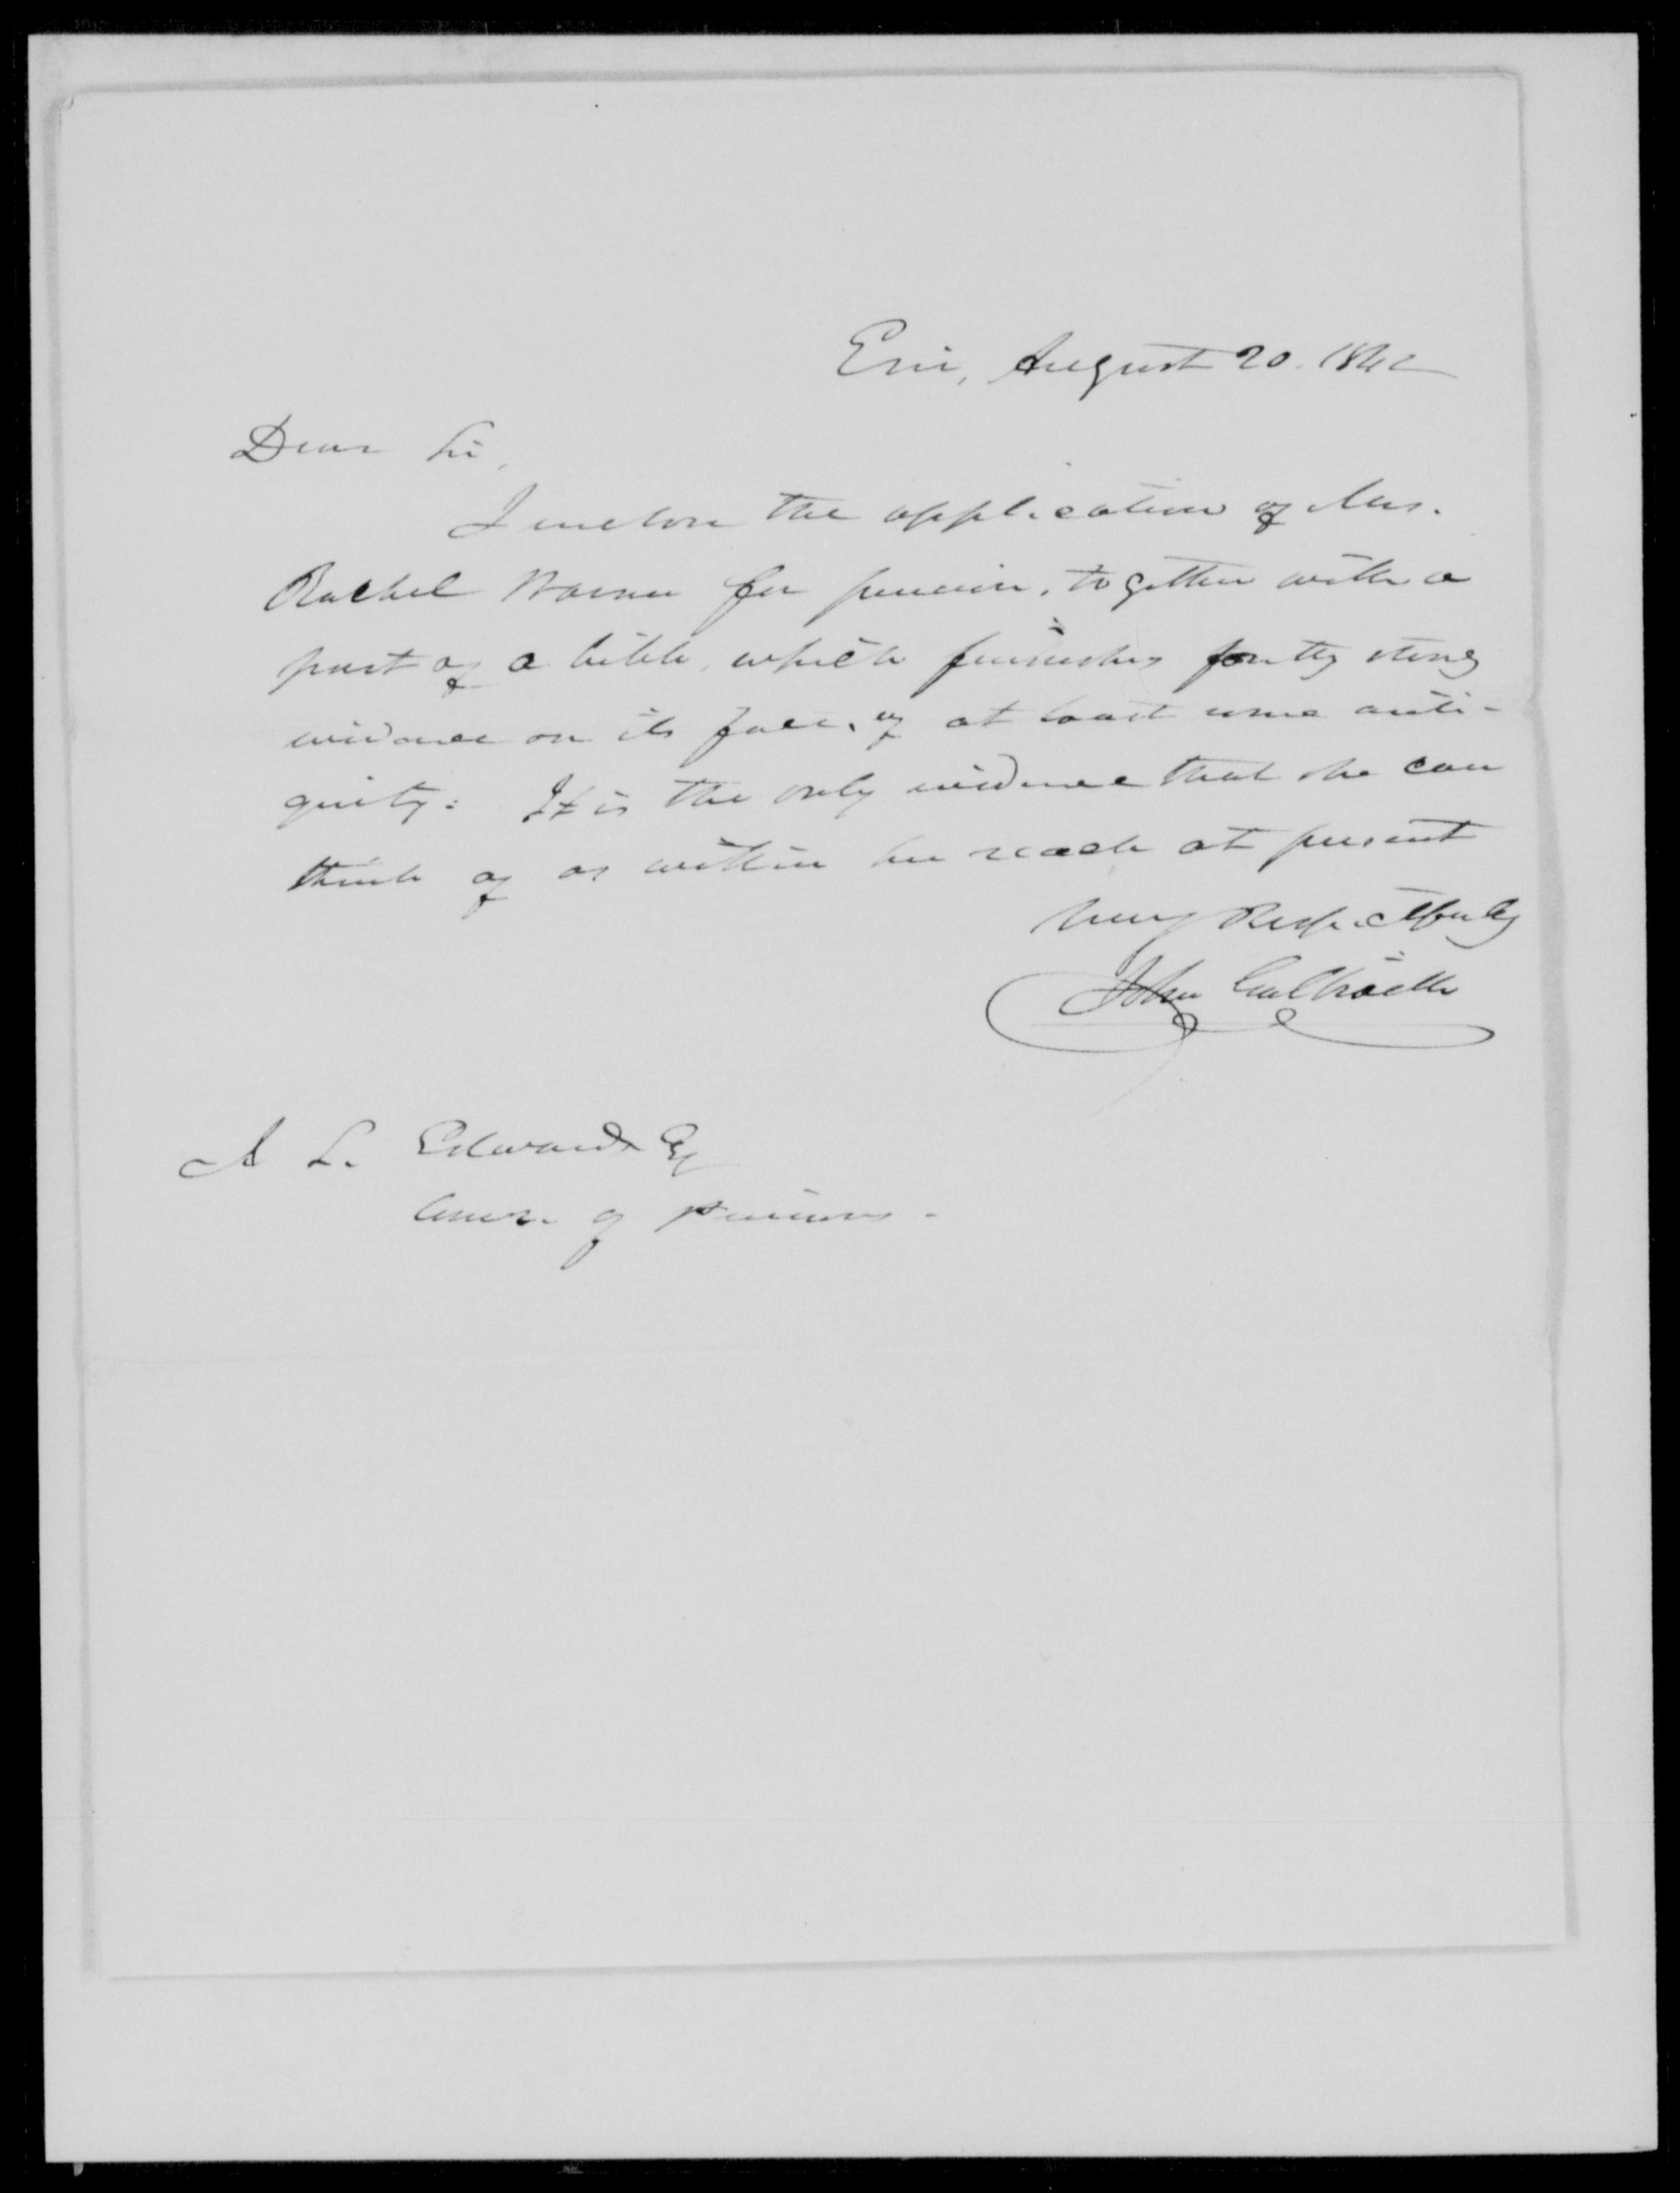Erie August 20 1842

Dear Sir, 

I enclose the applications of Mrs. Rachel Warner for pension, together with a part of a bible, which furnishes pretty strong evidence on its face of at least some antiquity.  It is the only evidence that she can think of or within her reach at present.

Very Respectfully
John Galbraith

J. L. Edwards Esquire
Commissioner of Pensions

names: Rachel Warner, John Galbraith, J L Edwards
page: 26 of 40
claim: widow's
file: W. 3742, Moses Warner, Conn.